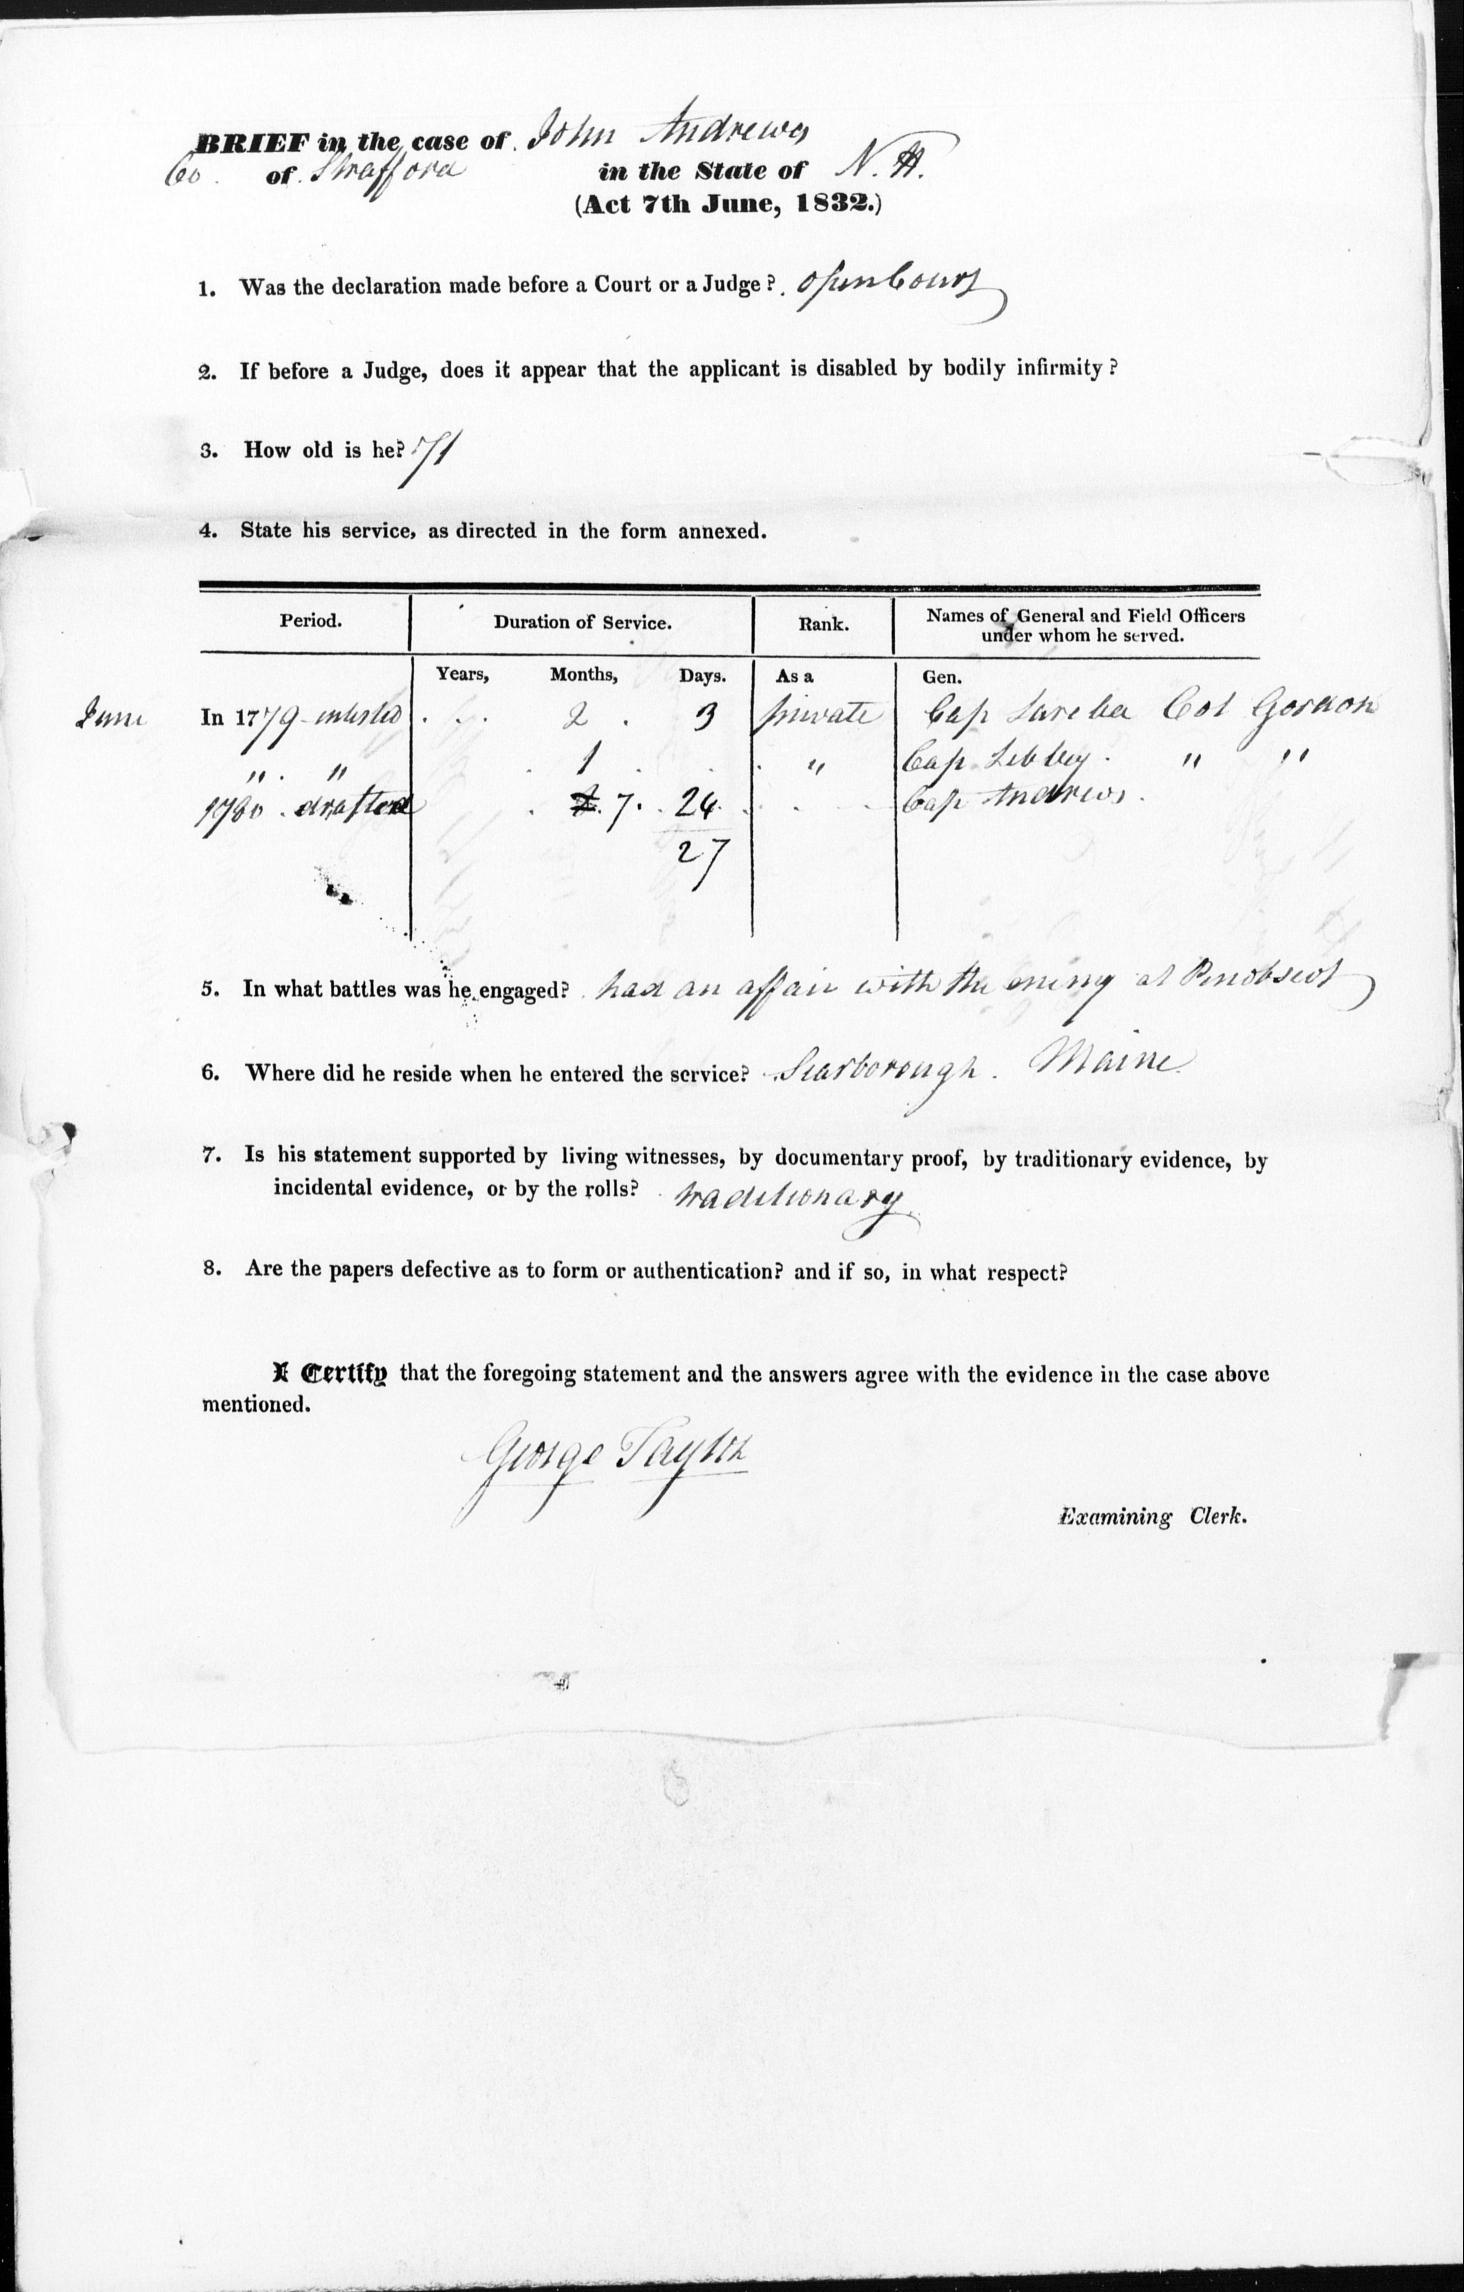Brief in the case of John Andrews 
of Strafford Co. in the State of New Hampshire

(Act 7th June 1832)

1. Was the declaration made before a Court or a Judge?  Open Court

2. If before a judge, does it appear that the applicant is disabled by bodily infirmity?  [blank]

3. How old is he? 71

4. State his service, as directed in the form annexed.

Period

-In June 1779 enlisted, 2 months 3 days, as a Private, under Captain Larabee, Col Gorham.

-In 1779 enlisted for 1 month as a private, under Captain Libby, Col. Gorham. 

-in 1780 extra tour for 7 months, 24 days, as a private, under Captain Andrews 

5. In what battles was he engaged?
Had an affair with the enemy at Penobscot

6. Where did he reside when he entered the service? Scarborough

7. Is his statement supported by living witnesses, by documentary proof, by traditionary evidence, by incidental evidence, or by the rolls? Traditionary 

8. Are the papers defective as to form or authentication? and if so, in what respect?  [blank]


I certify that the foregoing statement and the answers agree with the evidence in the case above mentioned. 

[signed] George Taylor,  Examining Clerk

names: John Andrews, Lareba, George Taylor, Gordon, Andreus, Libbey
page: 7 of 23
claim: widow's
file: W. 1693, John Andrews, Mass.